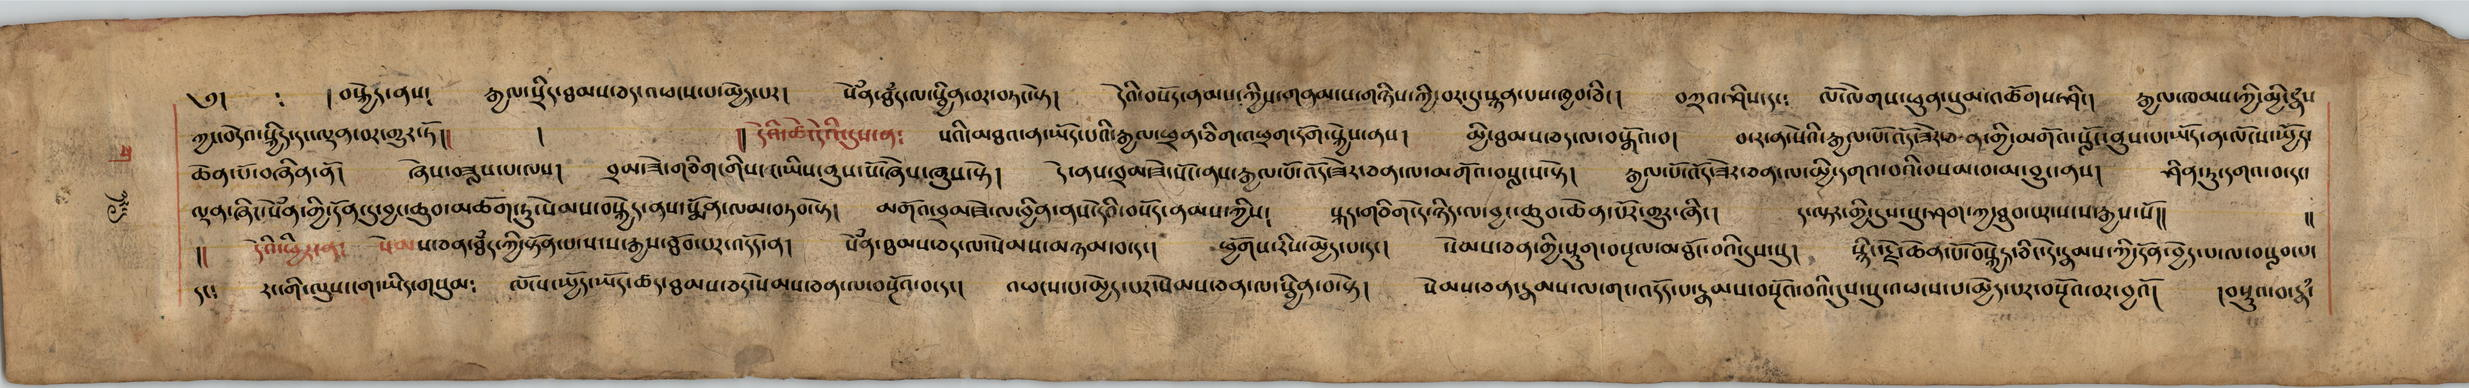༅། །བསྐྱེད་ནས༴ རྒྱལ་སྲིད་ཐམས་ཅད་འཕངས་པ་མྱེད་པར། སེཾན་ཐཾད་ལ་སྦྱིན་བར་བཏང་སྟེ། དེའི་བསོད་ནམས་ཀྱིས་གནམ་ས་གཉིས་ཀྱི་བར་དུ་སྙན་པས་ཁྱབ་ཅིང། བཀྲའ་ཞིས་དང༴ ལོ་ལེགས་ཕུན་སུམ་འཚོགས་ཤིང། རྒྱལ་ཁམས་ཀྱི་མྱི་རྣཾས
ཀྱང་བདེའ་སྐྱིད་དང་ལྡན་བར་གྱུར་ཏོ།། ། །། དདེའི་ཚེ་དེའི་དུས་ན༴ སའི་མཐའ་ན་ཡོད་པའི་རྒྱལ་འཕྲན་ཅིག་འཕྲག་དོག་སྐྱེས་ནས། མྱི་ཐམས་ཅད་ལ་བསྒོའ་བ། བ་ར་ན་སེའི་རྒྱལ་པོ་འོད་ཟེར་ཅན་གྱི་མགོའ་སློང་ནུས་པ་ཡོད་ན་ལོངས་སྤྱོད་
ཆེན་པོ་བཞིན་ནོ། ཞེས་བཟླས་པ་ལས། བྲམ་ཟེ་གཅིག་གིས་ང་ཡིས་ནུས་སོ་ཞེས་ཞུས་སྟེ། དེ་ནས་བྲམ་ཟེ་སོང་ནས་རྒྱལ་པོ་འོད་ཟེར་ཅན་ལ་མགོའ་བསླངས་སྟེ། རྒྱལ་པོ་འོད་ཟེར་ཅན་ལ་མྱི་དགའ་བའི་བསམ་བ་མ་བྱུང་ནས། ཤིན་ཏུ་དགའ་བ་དང་
ལྡན་ཞིང་སེཾན་གྱི་དོན་དུ་བྱང་ཆུབ་མཆོག་ཏུ་སེམས་བསྐྱེད་ནས་སྨོན་ལམ་བཏབ་སྟེ། མགོའ་བྲམ་ཟེ་ལ་བྱིན་ནས་དེའི་བསོད་ནམས་ཀྱིས༴ སྐད་ཅིག་དེ་ཉིད་ལ་བྱང་ཆུབ་ཆེན་པོར་གྱུར་ཞིང། ད་ལྟར་གྱི་དུས་སུ་ཤག་ཀྱ་ཐུབ་པར་སངས་རྒྱས་སོ།། །།
དེའི་ཕྱིར་ན༴ སེམས་ཅན་ཐཾད་ཀྱི་སྟོན་པ་སངས་རྒྱས་ཐོབ་པར་འདོད་ན། སེཾན་ཐམས་ཅད་ལ་སེམས་མཉམ་བ་དང། ཕྱོགས་རིས་མྱེད་པ་དང། སེམས་ཅན་གྱི་སྡུག་བསྔལ་མཐོ་བའི་དུས་སུ། སྙིང་རྗེ་ཆེན་པོ་བསྐྱེད་ཅིང་དེ་རྣམས་ཀྱི་དོན་བྱེད་པ་ལ་བསླབ་པ་
དང༴ རང་གི་ལུས་ངག་ཡིད་གསུམ༴ ལོངས་སྤྱོད་ཡོད་ཚད་ཐམས་ཅད་སེམས་ཅན་ལ་བསྔོའ་བ་དང། འཕངས་པ་མྱེད་པར་སེམས་ཅན་ལ་སྦྱིན་བ་སྟེ། སེམས་ཅན་རྣམས་ལ་གང་འདོད་པ་རྣམས་བསྔོའ་བའི་དུས་སུ་འཕངས་པ་མྱེད་པར་བསྔོའ་བར་བྱའོ། །བསྡུའ་བ་རྣཾ་